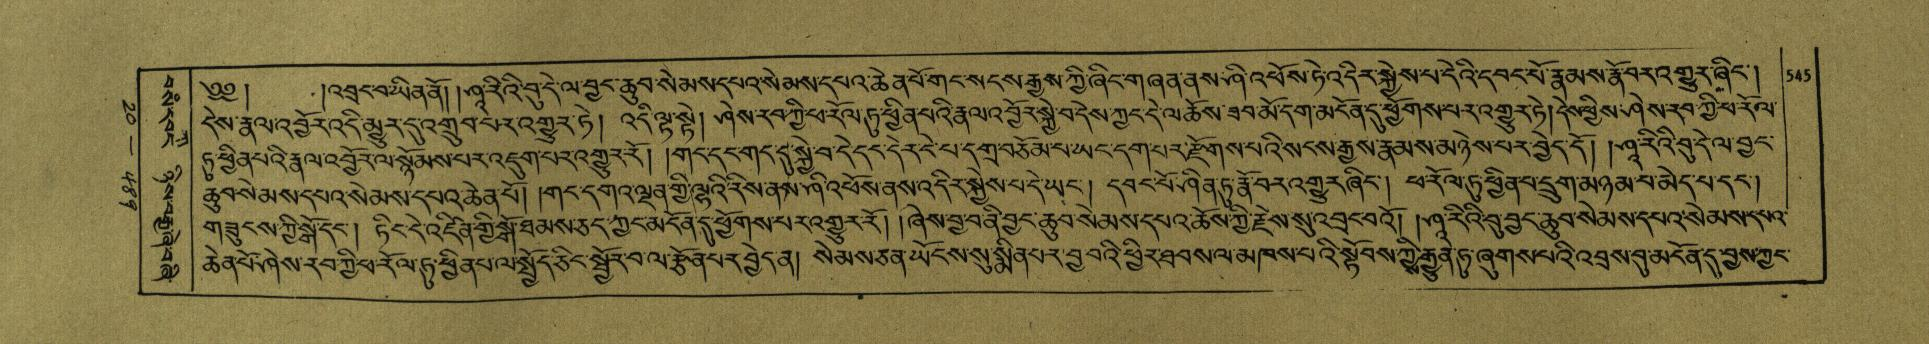༄༅། །འབྲང་བ་ཡིན་ནོ། །ཤཱ་རིའི་བུ་དེ་ལ་བྱང་ཆུབ་སེམས་དཔའ་སེམས་དཔའ་ཆེན་པོ་གང་སངས་རྒྱས་ཀྱི་ཞིང་གཞན་ནས་ཤི་འཕོས་ཏེ་འདིར་སྐྱེས་པ་དེའི་དབང་པོ་རྣམས་རྣོ་བར་འགྱུར་ཞིང་།
དེས་རྣལ་འབྱོར་འདི་མྱུར་དུ་འགྲུབ་པར་འགྱུར་ཏེ། འདི་ལྟ་སྟེ། ཤེས་རབ་ཀྱི་ཕ་རོལ་ཏུ་ཕྱིན་པའི་རྣལ་འབྱོར་སྐྱེ་བ་དེས་ཀྱང་དེ་ལ་ཆོས་ཟབ་མོ་དག་མངོན་དུ་ཕྱོགས་པར་འགྱུར་ཏེ། དེས་ཕྱིས་ཤེས་རབ་ཀྱི་ཕ་རོལ་
ཏུ་ཕྱིན་པའི་རྣལ་འབྱོར་ལ་སྙོམས་པར་འཇུག་པར་འགྱུར་རོ། །གང་དང་གང་དུ་སྐྱེ་བ་དེ་དང་དེར་ངེ་པ་དགྲ་བཅོམ་པ་ཡང་དག་པར་རྫོགས་པའི་སངས་རྒྱས་རྣམས་མཉེས་པར་བྱེད་དོ། །ཤཱ་རིའི་བུ་དེ་ལ་བྱང་
ཆུབ་སེམས་དཔའ་སེམས་དཔའ་ཆེན་པོ། །གང་དགའ་ལྡན་གྱི་ལྷའི་རིས་ནས་ཤི་འཕོས་ནས་འདིར་སྐྱེས་པ་དེ་ཡང་། དབང་པོ་ཤིན་ཏུ་རྣོ་བར་འགྱུར་ཞིང་། ཕ་རོལ་ཏུ་ཕྱིན་པ་དྲུག་མཉམ་པ་མེད་པ་དང་།
གཟུངས་ཀྱི་སྒོ་དང་། ཏིང་ངེ་འཛིན་གྱི་སྒོ་ཐམས་ཅད་ཀྱང་མངོན་དུ་ཕྱོགས་པར་འགྱུར་རོ། །ཞེས་བྱ་བ་ནི་བྱང་ཆུབ་སེམས་དཔའ་ཆོས་ཀྱི་རྗེས་སུ་འབྲང་བའོ། །ཤཱ་རིའི་བུ་བྱང་ཆུབ་སེམས་དཔའ་སེམས་དཔའ་
ཆེན་པོ་ཤེས་རབ་ཀྱི་ཕ་རོལ་ཏུ་ཕྱིན་པ་ལ་སྤྱོད་ཅིང་སྦྱོར་བ་ལ་རྩོན་པར་བྱེད་ན། སེམས་ཅན་ཡོངས་སུ་སྨིན་པར་བྱ་བའི་ཕྱིར་ཐབས་ལ་མཁས་པའི་སྟོབས་ཀྱིས་རྒྱུན་ཏུ་ཞུགས་པའི་འབྲས་བུ་མངོན་དུ་བྱས་ཀྱང་